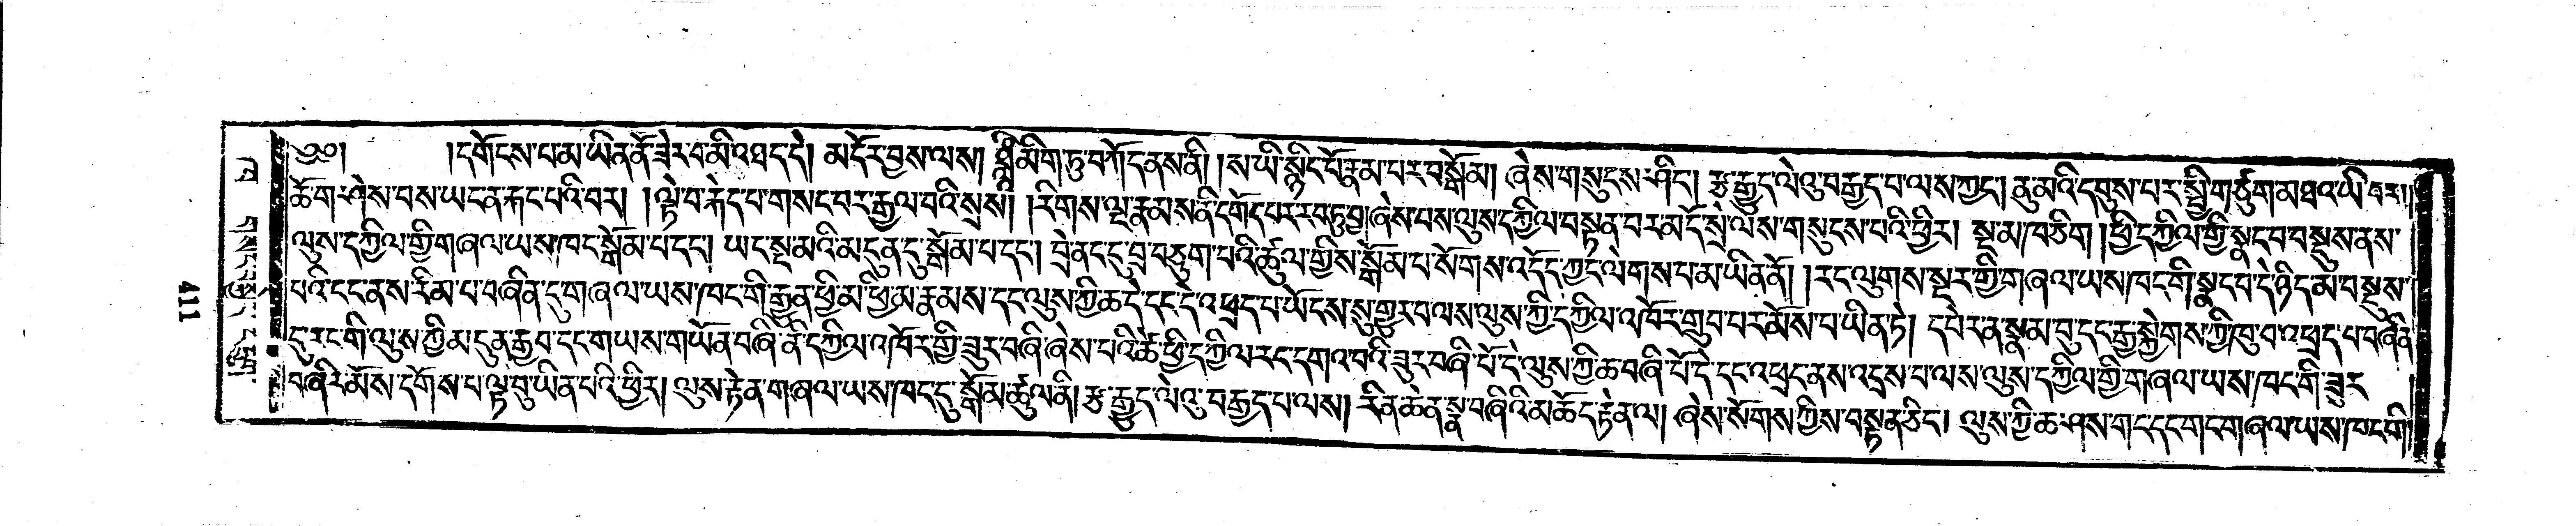༄༅། །དགོངས་པ་མ་ཡིན་ནོ་ཟེར་བ་མི་འཐད་དེ། མདོར་བྱས་ལས། ཐལའཾཨི་མིག་ཏུ་བཀོད་ནས་ནི། །ས་ཡི་སྙིང་པོ་རྣམ་པར་བསྒོམ། ཞེས་གསུངས་ཤིང་། རྩ་རྒྱུད་ལེའུ་བརྒྱད་པ་ལས་ཀྱང་། ནུ་མའི་དབུས་ཕར་སྤྱི་གཙུག་མཐའ་ཡི་བར།
ཆོག་ཤེས་པས་ཡང་ན་རྐང་པའི་བར། །ལྟེ་བ་རྐེད་པ་གསང་བར་རྒྱལ་བའི་སྲས། །རིགས་ལྔ་རྣམས་ནི་དགོད་པར་རབ་ཏུ་བྱ། ཞེས་པས་ལུས་དཀྱིལ་བསྟན་པར་མདོ་སྲེ་ལས་གསུངས་པའི་ཕྱིར། སྔ་མ་ཁ་ཅིག །ཕྱི་དཀྱིལ་གྱི་སྣང་བ་བསྡུས་ནས་
ལུས་དཀྱིལ་གྱི་གཞལ་ཡས་ཁང་སྒོམ་པ་དང་། ཡང་སྔ་མའི་མདུན་དུ་སྒོམ་པ་དང་། བྲེ་ནང་དུ་བྲེ་བཅུག་པའི་ཚུལ་གྱིས་སྒོམ་པ་སོགས་འདོད་ཀྱང་ལེགས་པ་མ་ཡིན་ནོ། །རང་ལུགས་སྔར་གྱི་གཞལ་ཡས་ཁང་གི་སྣང་བ་དེ་ཉིད་མ་བསྡུས་
པའི་ངང་ནས་རིམ་པ་བཞིན་དུ་གཞལ་ཡས་ཁང་གི་རྒྱུན་ཕྱི་མ་རྣམས་དང་ལུས་ཀྱི་ཆ་དེ་དང་དེ་འཕྲད་པ་ཡོངས་སུ་གྱུར་པ་ལས་ལུས་ཀྱི་དཀྱིལ་འཁོར་གྲུབ་པར་མོས་པ་ཡིན་ཏེ། དཔེར་ན་སྣམ་བུ་དང་རྒྱ་སྐྱེགས་ཀྱི་ཁུ་བ་འཕྲད་པ་བཞིན་
དུ་རང་གི་ལུས་ཀྱི་མདུན་རྒྱབ་དང་གཡས་གཡོན་བཞི་ནི་དཀྱིལ་འཁོར་གྱི་ཟུར་བཞི་ཞེས་པའི་ཚེ་ཕྱི་དཀྱིལ་རང་དགའ་བའི་ཟུར་བཞི་པོ་དེ་ལུས་ཀྱི་ཆ་བཞི་པོ་དེ་དང་འཕྲད་ནས་འདྲེས་པ་ལས་ལུས་དཀྱིལ་གྱི་གཞལ་ཡས་ཁང་གི་ཟུར་
བཞིར་མོས་དགོས་པ་ལྟ་བུ་ཡིན་པའི་ཕྱིར། ལུས་རྟེན་གཞལ་ཡས་ཁང་དུ་སྒོམ་ཚུལ་ནི། རྩ་རྒྱུད་ལེའུ་བརྒྱད་པ་ལས། རིན་ཆེན་སྣ་བཞིའི་མཆོད་རྟེན་ལ། ཞེས་སོགས་ཀྱིས་བསྟན་ཅིང་། ལུས་ཀྱི་ཆ་ཤས་གང་དང་གང་གཞལ་ཡས་ཁང་གི་